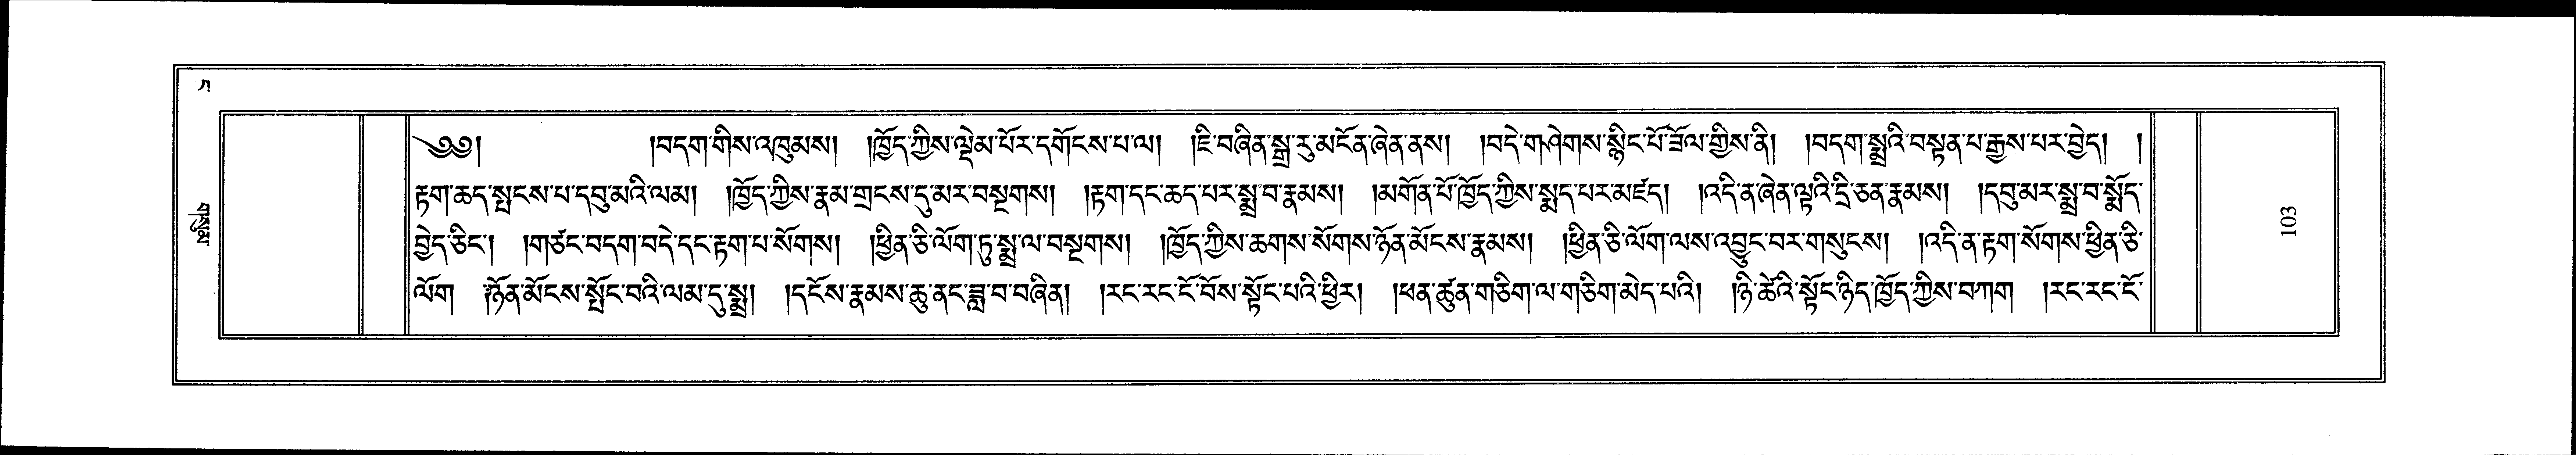༄༅། །བདག་གིས་འཁུམས། །ཁྱོད་ཀྱིས་ལྡེམ་པོར་དགོངས་པ་ལ། །ཇི་བཞིན་སྒྲ་རུ་མངོན་ཞེན་ནས། །བདེ་གཤེགས་སྙིང་པོ་ཟོལ་གྱིས་ནི། །བདག་སྨྲའི་བསྟན་པ་རྒྱས་པར་བྱེད། །
རྟག་ཆད་སྤངས་པ་དབུ་མའི་ལམ། །ཁྱོད་ཀྱིས་རྣམ་གྲངས་དུ་མར་བསྔགས། །རྟག་དང་ཆད་པར་སྨྲ་བ་རྣམས། །མགོན་པོ་ཁྱོད་ཀྱིས་སྨད་པར་མཛད། །འདི་ན་ཞེན་ལྟའི་དྲི་ཅན་རྣམས། །དབུ་མར་སྨྲ་བ་སྨོད་
བྱེད་ཅིང་། །གཙང་བདག་བདེ་དང་རྟག་པ་སོགས། །ཕྱིན་ཅི་ལོག་ཏུ་སྨྲ་ལ་བསྔགས། །ཁྱོད་ཀྱིས་ཆགས་སོགས་ཉོན་མོངས་རྣམས། །ཕྱིན་ཅི་ལོག་ལས་འབྱུང་བར་གསུངས། །འདི་ན་རྟག་སོགས་ཕྱིན་ཅི་
ལོག །ཉོན་མོངས་སྤོང་བའི་ལམ་དུ་སྨྲ། །དངོས་རྣམས་ཆུ་ནང་ཟླ་བ་བཞིན། །རང་རང་ངོ་བོས་སྟོང་པའི་ཕྱིར། །ཕན་ཚུན་གཅིག་ལ་གཅིག་མེད་པའི། །ཉི་ཚེའི་སྟོང་ཉིད་ཁྱོད་ཀྱིས་བཀག །རང་རང་ངོ་